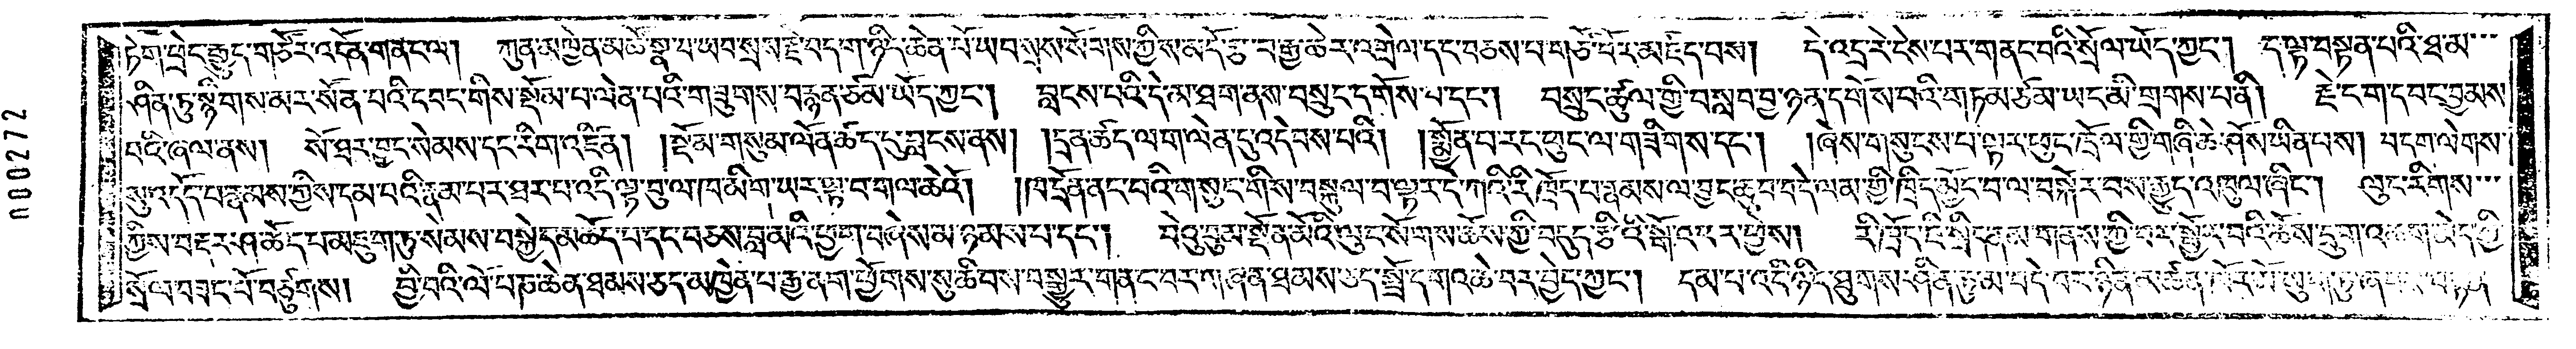ཏོག་ཕྲེང་རྒྱུད་གཙོར་འདོན་གནང་ལ། ཀུན་མཁྱེན་མཚོ་སྣ་པ་ཡབ་སྲས་རྗེ་བདག་ཉིད་ཆེན་པོ་ཡབ་སྲས་སོགས་ཀྱིས་མདོ་རྩ་བ་རྒྱ་ཆེར་འགྲེལ་དང་བཅས་པ་གཙོ་བོར་མཛད་པས། དེ་འདྲ་རེ་ངེས་པར་གནང་བའི་སྲོལ་ཡོད་ཀྱང་། ད་ལྟ་བསྟན་པའི་ཐ་མ་
ཤིན་ཏུ་སྙིགས་མར་སོན་པའི་དབང་གིས་སྡོམ་བ་ལེན་པའི་གཟུགས་བརྙན་ཙམ་ཡོད་ཀྱང་། བླངས་པའི་དེ་མ་ཐག་ནས་བསྲུང་དགོས་པ་དང་། བསྲུང་ཚུལ་གྱི་བསླབ་བྱ་ཉན་དགོས་པའི་གཏམ་ཙམ་ཡང་མི་གྲགས་པ་ནི། རྗེ་ངག་དབང་བྱམས་
པའི་ཞལ་ནས། སོ་ཐར་བྱང་སེམས་དང་རིག་འཛིན། །སྔོན་གསུམ་ལོན་ཚད་དུ་བླངས་ནས། །དྲན་ཚད་ལག་ལེན་དུ་འདེབས་བའི། །སྨྱོན་བ་རང་ཕུང་ལ་གཟིགས་དང་། །ཞེས་གསུངས་པ་ལྟར་ཕུང་ཁྲོལ་གྱི་གཞི་ཆེ་ཤོས་ཡིན་པས། བདག་ལེགས་
སུ་འདོད་པ་རྣམས་ཀྱིས་དམ་བའི་རྣམ་པར་ཐར་བ་འདི་ལྟ་བུ་ལ་ཁ་མིག་ཡར་ལྟ་བ་གལ་ཆེའོ། །ཁ་དྲོན་ནང་པའི་གསུང་གིས་བསྐུལ་བ་ལྟར་དེ་ཀའི་རི་ཁྲོད་པ་རྣམས་ལ་བྱང་ཆུབ་བདེ་ལམ་གྱི་ཁྲིད་མྱོང་བ་ལ་བསྐོར་བས་རྒྱུད་འཁུལ་ཞིང་། ལུང་རིགས་
ཀྱིས་བརྡར་ཤ་ཆོད་པ་མཇུག་ཏུ་སེམས་བསྐྱེད་མཆོད་པ་དང་བཅས་བླ་མའི་ཕྱག་བཞེས་མ་ཉམས་བ་དང་། བེའུ་བུམ་སྔོན་མོའི་ལུང་སོགས་ཆོས་ཀྱི་བདུད་རྩིའི་སྒོ་འབར་ཕྱེས། རི་ཁྲོད་ཇི་སྲིད་ནམ་གནས་ཀྱི་བར་སྦྱོར་བའི་ཆོས་དྲུག་འཆག་མེད་ཀྱི་
སྲོལ་བཟང་པོ་བཙུགས། བྱི་བའི་ལོ་པཎ་ཆེན་ཐམས་ཅད་མཁྱེན་པ་རྒྱ་ནག་ཕྱོགས་སུ་ཆིབས་བསྒྱུར་གནང་བར་གཞན་ཐམས་ཅད་སྤྲོད་དགའ་ཆེ་བར་བྱེད་ཀྱང་། དམ་པ་འདི་ཉིད་ཐུགས་ཤིན་ཏུ་མ་བདེ་བར་ཉིན་མཚན་ཁོར་མོ་ཡུག་ཏུ་ཞབས་བརྟན་